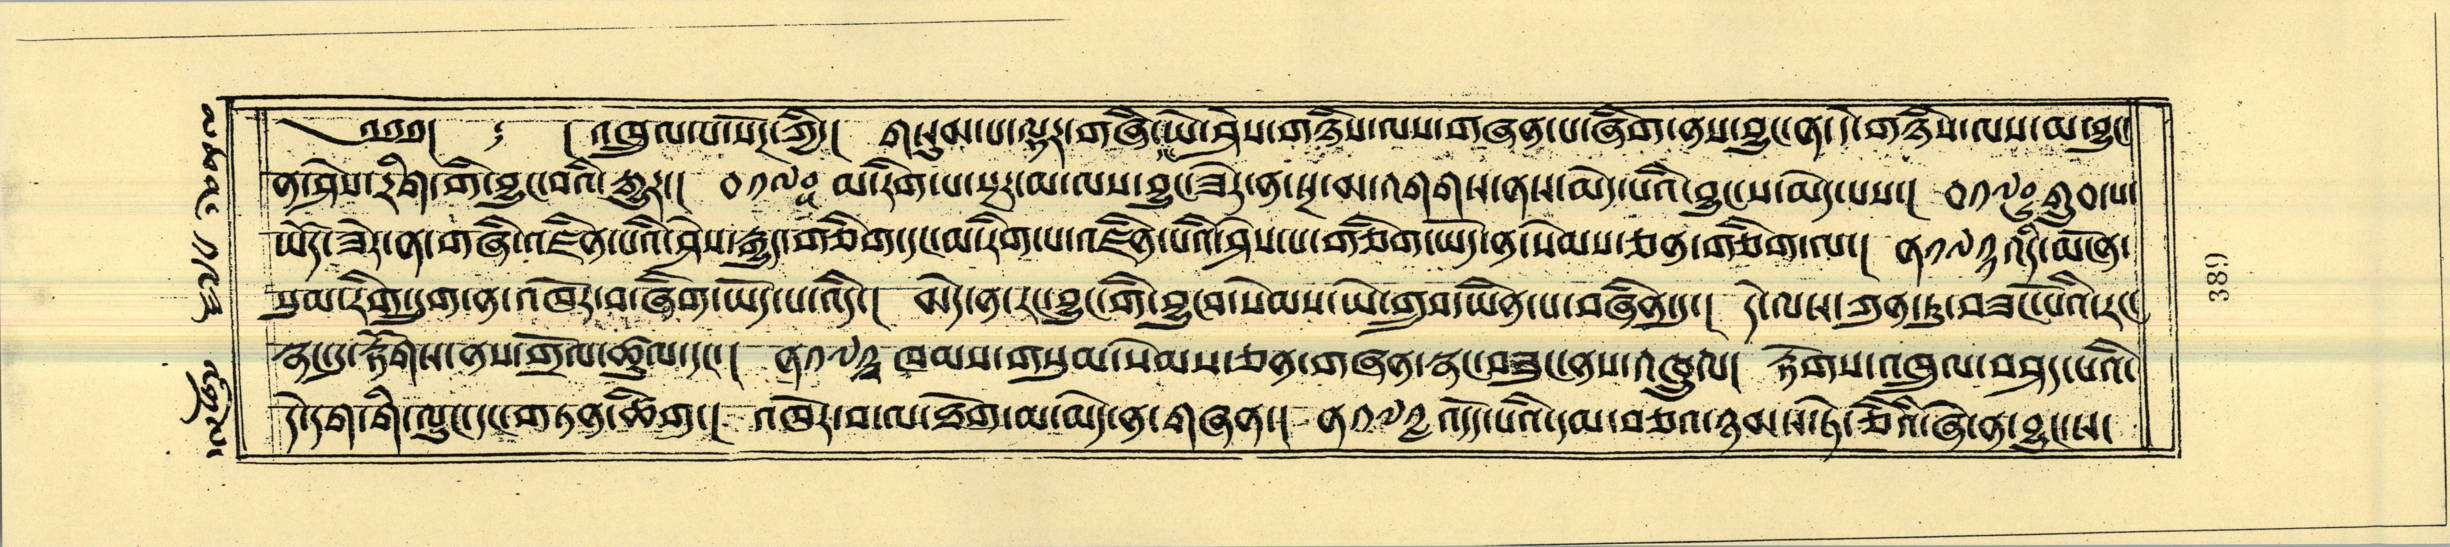འཁྲུལ་པ་སོགས་ཀྱི། གསུམ་པ་ལྟར་གཞི་དང་ཡེ་ཤེས་གཉིས་ལས་གཞན་པ་ཞིག་ནས་བྱུང་ན། དེ་གཉིས་ལས་མ་བྱུང་ན་
ཤེས་རིག་བྱུང་བའི་ ༼སྒྱུར།༽བ༡༧༠།༥ མ་རིག་པ་སྔར་མ་ལས་བྱུང་ཟེར་ན་ ༼སྔ་མ་འགགས་ནས་༽མེད་པའི་བྱུང་ས་མེད་པས། བ༡༧༠།༦ ༼གྲུབ་༽པ་ 
ཡོད་ཟེར་ན་གཞི་འཛིན་པའི་ཤེས་རྒྱུད་གཅིག་དང་མ་རིག་པ་འཛིན་པའི་ཤེས་པ་གཅིག་ཡོད་ན་སེམས་ཅན་གཅིག་ལ། ན༡༧༡།༡ ༼འདི་༽མངོན་
སུམ་རིག་དྲུག་ན་འཁོར་བ་ཞིག་ཡོད་པ་འདི། ༼མེད་༽ན་རང་བྱུང་གི་བྱང་ཆུབ་སེམས་ཡེ་གྲུབ་ཡིན་པ་བཞིན་དུ། ༼དེ་ལས་༽ཀུན་ཏུ་བཟང་པོའི་རང་
སྣང་དུ་ ༼རྟོགས་༽ནས་གྲོལ་ཚུལ་དང། ན༡༧༡།༢ ཁམས་གསུམ་སེམས་ཅན་གཞན་སྣང་བཟུང་ནས་ ༼འཁྲུལ།༽རྟོགས་འཁྲུལ་བཤད་པའི་ 
དེ་དག་གི་ལུང་དང་གཏན་ཚིག འཁོར་བ་ལ་ཐོག་མ་མེད་ན་ ༼གཞན།༽ན༡༧༡།༤ འདོད་པའི་དམ་བཅའ་ཉམས་ཏེ་ཅིའི་ཞེ་ན་ ༼བྱུང་ས་༽